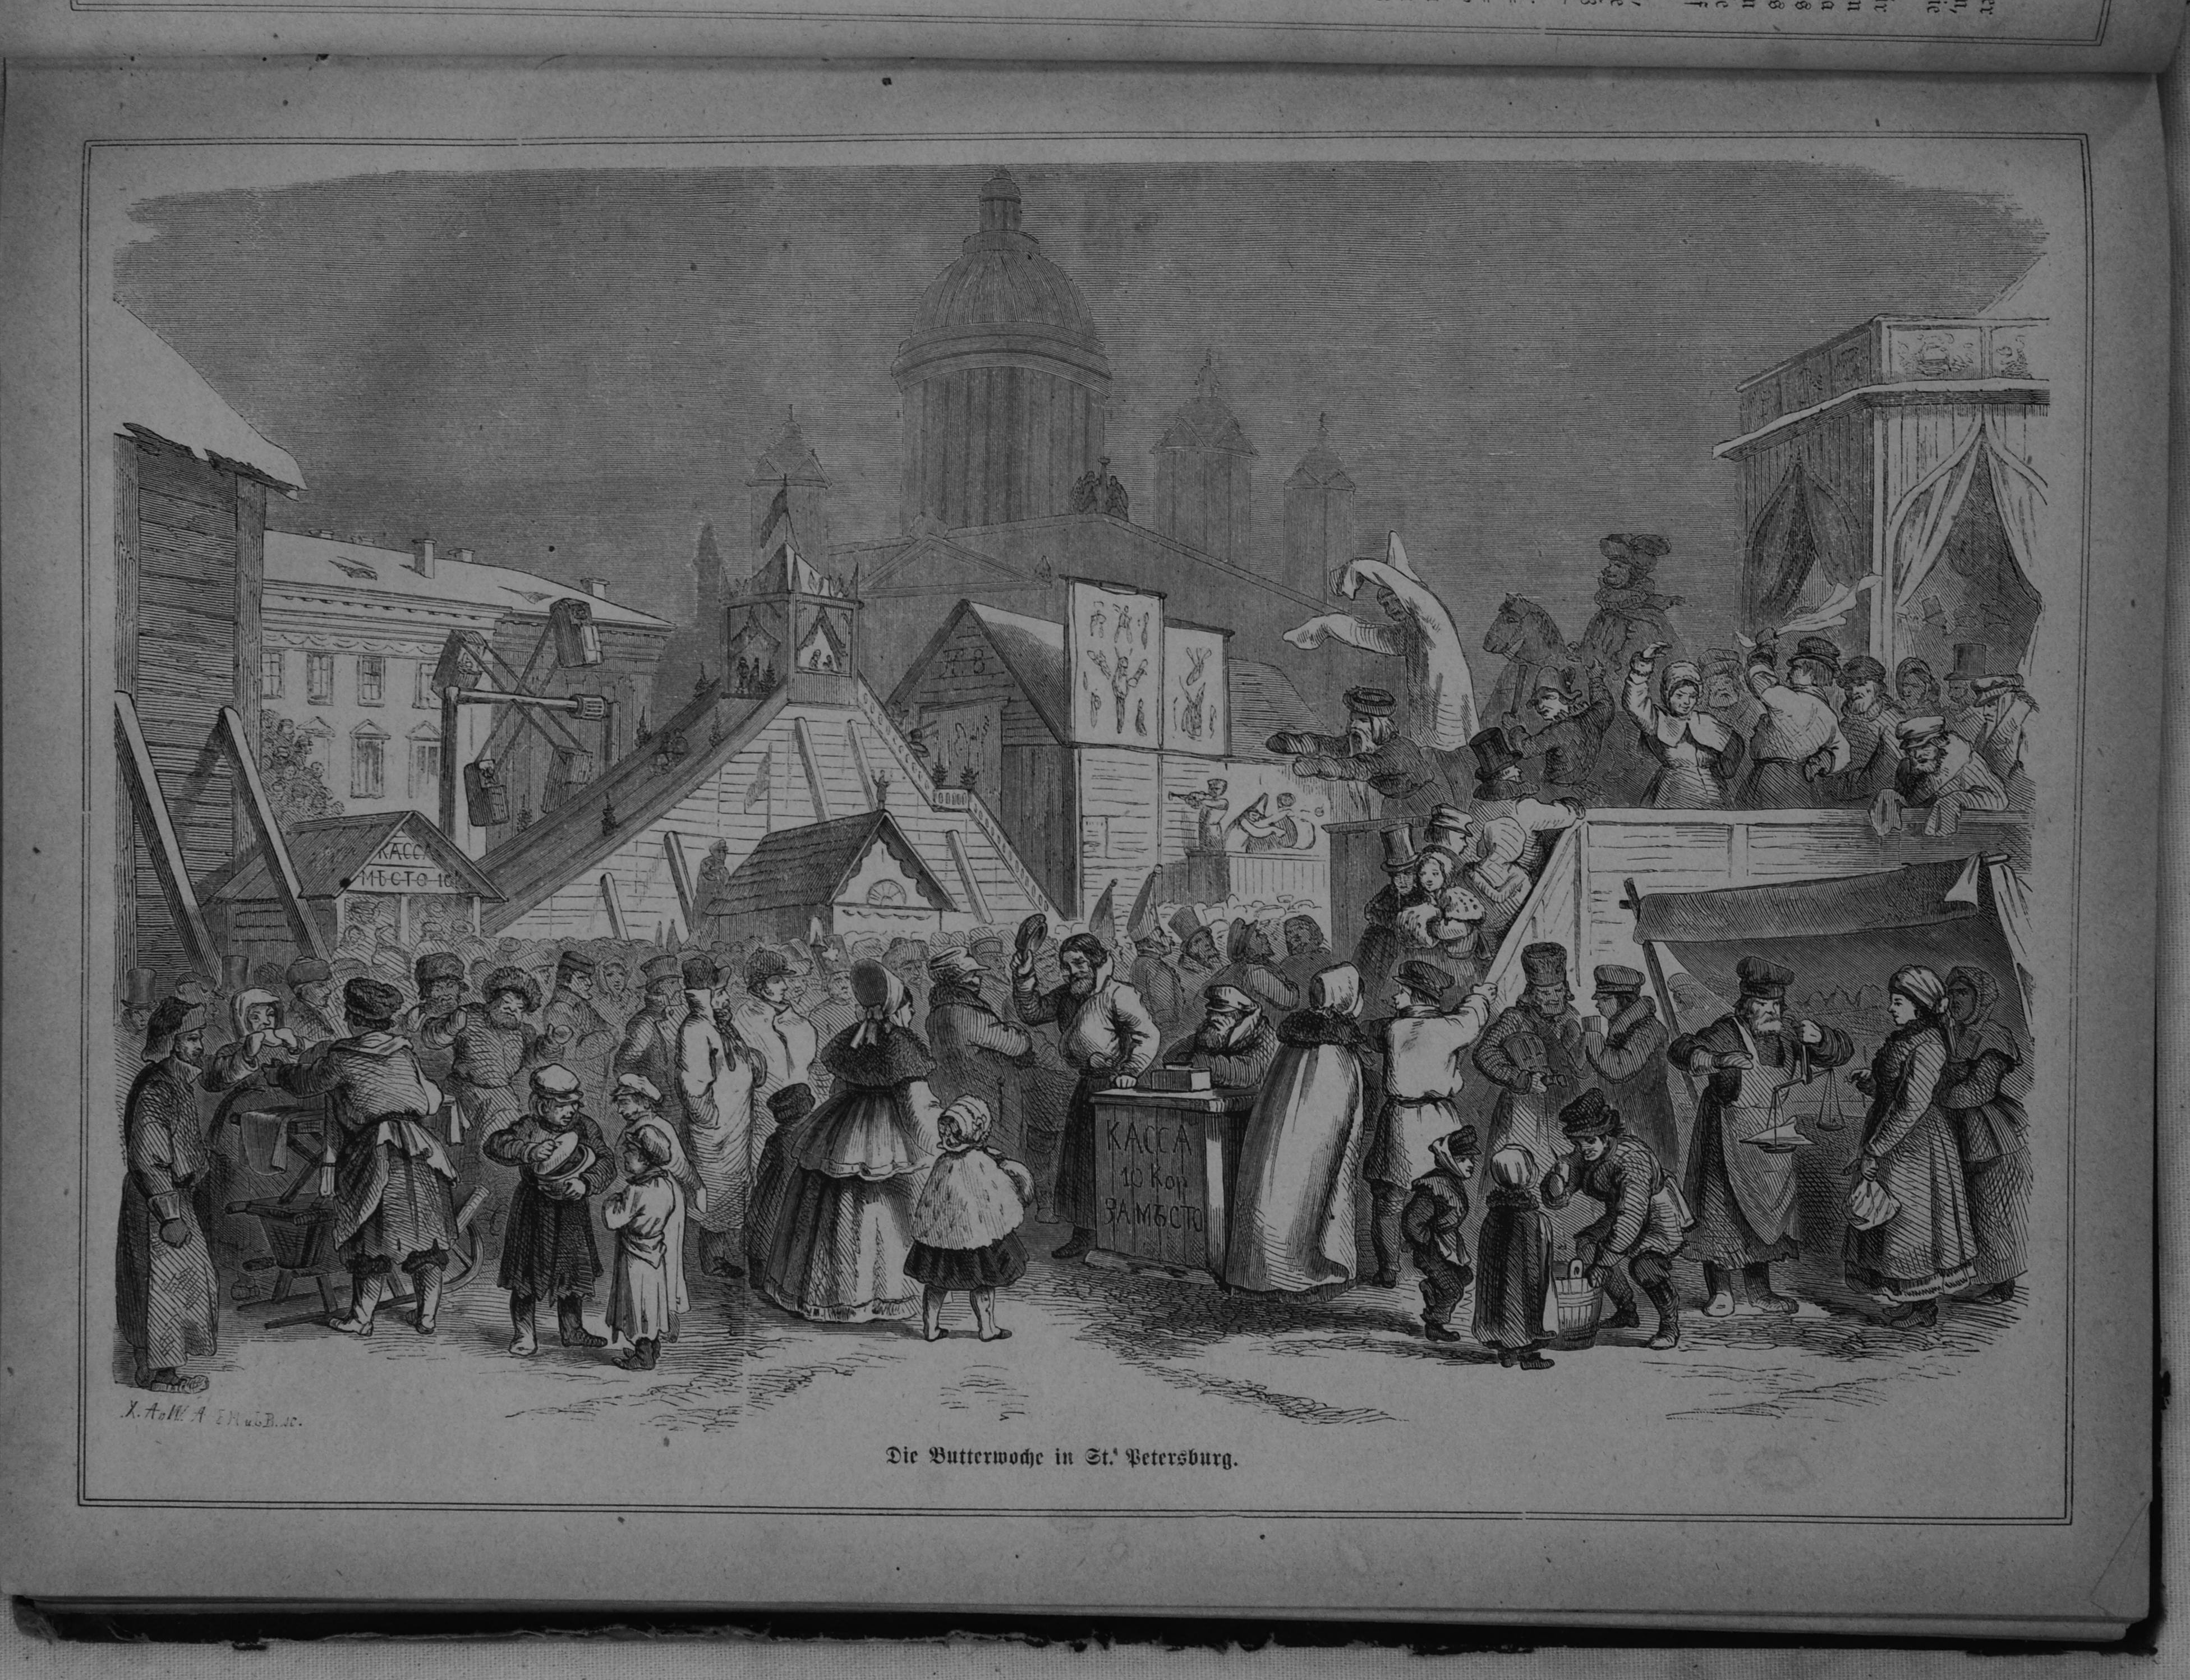Die Butterwoche in St. Petersburg
